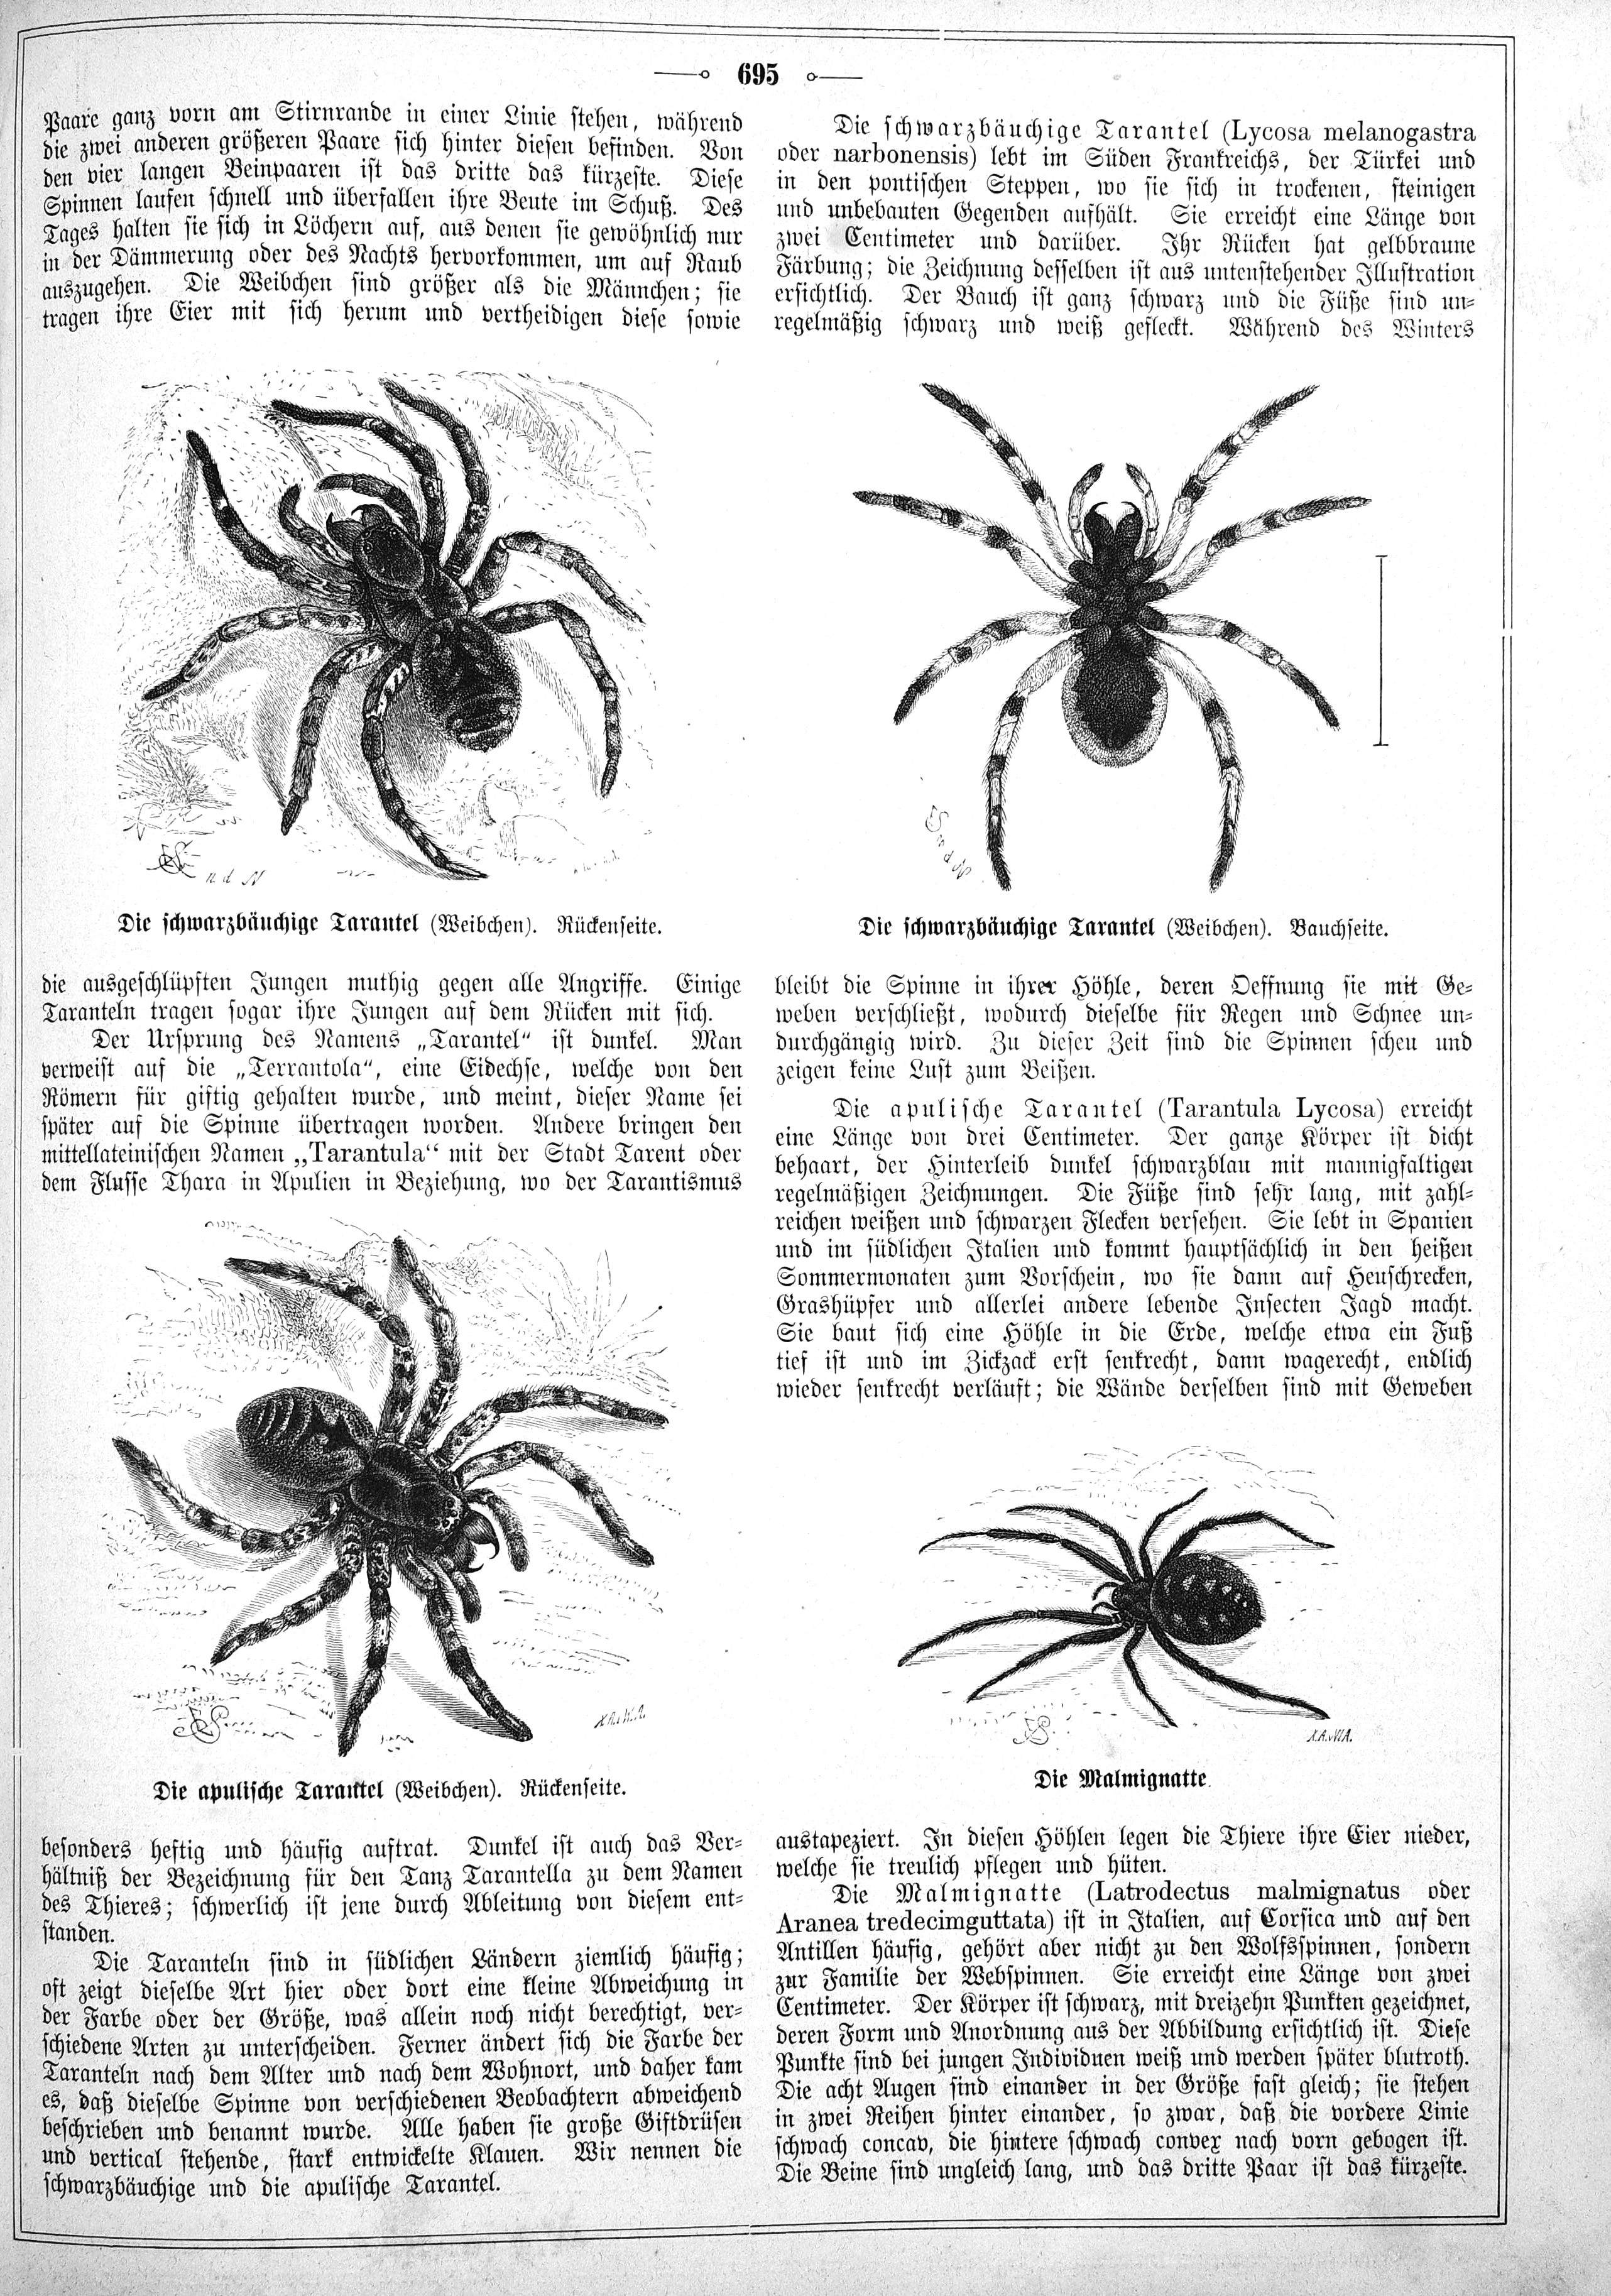Paare ganz vorn am Stirnrande in einer Linie stehen, während die zwei anderen größeren Paare sich hinter diesen befinden. Von den vier langen Beinpaaren ist das dritte das kürzeste. Diese Spinnen laufen schnell und überfallen ihre Beute im Schuß. Des Tages halten sie sich in Löchern auf, aus denen sie gewöhnlich nur in der Dämmerung oder des Nachts hervorkommen, um auf Raub auszugehen. Die Weibchen sind größer als die Männchen; sie tragen ihre Eier mit sich herum und vertheidigen diese sowie die ausgeschlüpften Jungen muthig gegen alle Angriffe. Einige Taranteln tragen sogar ihre Jungen auf dem Rücken mit sich.

Die schwarzbäuchige Tarantel (Weibchen). Rückenseite.

Der Ursprung des Namens „Tarantel“ ist dunkel. Man verweist auf die „Terrantola“, eine Eidechse, welche von den Römern für giftig gehalten wurde, und meint, dieser Name sei später auf die Spinne übertragen worden. Andere bringen den mittellateinischen Namen „Tarantula“ mit der Stadt Tarent oder dem Flusse Thara in Apulien in Beziehung, wo der Tarantismus besonders heftig und häufig auftrat. Dunkel ist auch das Verhältniß der Bezeichnung für den Tanz Tarantella zu dem Namen des Thieres; schwerlich ist jene durch Ableitung von diesem entstanden.

Die apulische Tarantel (Weibchen). Rückenseite.

Die Taranteln sind in südlichen Ländern ziemlich häufig; oft zeigt dieselbe Art hier oder dort eine kleine Abweichung in der Farbe oder der Größe, was allein noch nicht berechtigt, verschiedene Arten zu unterscheiden. Ferner ändert sich die Farbe der Taranteln nach dem Alter und nach dem Wohnort, und daher kam es, daß dieselbe Spinne von verschiedenen Beobachtern abweichend beschrieben und benannt wurde. Alle haben sie große Giftdrüsen und vertical stehende, stark entwickelte Klauen. Wir nennen die schwarzbäuchige und die apulische Tarantel.

Die schwarzbäuchige Tarantel (Lycosa melanogastra oder narbonensis) lebt im Süden Frankreichs, der Türkei und in den pontischen Steppen, wo sie sich in trockenen, steinigen und unbebauten Gegenden aufhält. Sie erreicht eine Länge von zwei Centimeter und darüber. Ihr Rücken hat gelbbraune Färbung; die Zeichnung desselben ist aus untenstehender Illustration ersichtlich. Der Bauch ist ganz schwarz und die Füße sind unregelmäßig schwarz und weiß gefleckt. Während des Winters bleibt die Spinne in ihrer Höhle, deren Oeffnung sie mit Geweben verschließt, wodurch dieselbe für Regen und Schnee undurchgängig wird. Zu dieser Zeit sind die Spinnen scheu und zeigen keine Lust zum Beißen.

Die schwarzbäuchige Tarantel (Weibchen). Bauchseite.

Die apulische Tarantel (Tarantula Lycosa) erreicht eine Länge von drei Centimeter. Der ganze Körper ist dicht behaart, der Hinterleib dunkel schwarzblau mit mannigfaltigen regelmäßigen Zeichnungen. Die Füße sind sehr lang, mit zahlreichen weißen und schwarzen Flecken versehen. Sie lebt in Spanien und im südlichen Italien und kommt hauptsächlich in den heißen Sommermonaten zum Vorschein, wo sie dann auf Heuschrecken, Grashüpfer und allerlei andere lebende Insecten Jagd macht. Sie baut sich eine Höhle in die Erde, welche etwa ein Fuß tief ist und im Zickzack erst senkrecht, dann wagerecht, endlich wieder senkrecht verläuft; die Wände derselben sind mit Geweben austapeziert. In diesen Höhlen legen die Thiere ihre Eier nieder, welche sie treulich pflegen und hüten.

Die Malmignatte

Die Malmignatte (Latrodectus malmignatus oder Aranea tredecimguttata) ist in Italien, auf Corsica und auf den Antillen häufig, gehört aber nicht zu den Wolfsspinnen, sondern zur Familie der Webspinnen. Sie erreicht eine Länge von zwei Centimeter. Der Körper ist schwarz, mit dreizehn Punkten gezeichnet, deren Form und Anordnung aus der Abbildung ersichtlich ist. Diese Punkte sind bei jungen Individuen weiß und werden später blutroth. Die acht Augen sind einander in der Größe fast gleich; sie stehen in zwei Reihen hinter einander, so zwar, daß die vordere Linie schwach concav, die hintere schwach convex nach vorn gebogen ist. Die Beine sind ungleich lang, und das dritte Paar ist das kürzeste.
